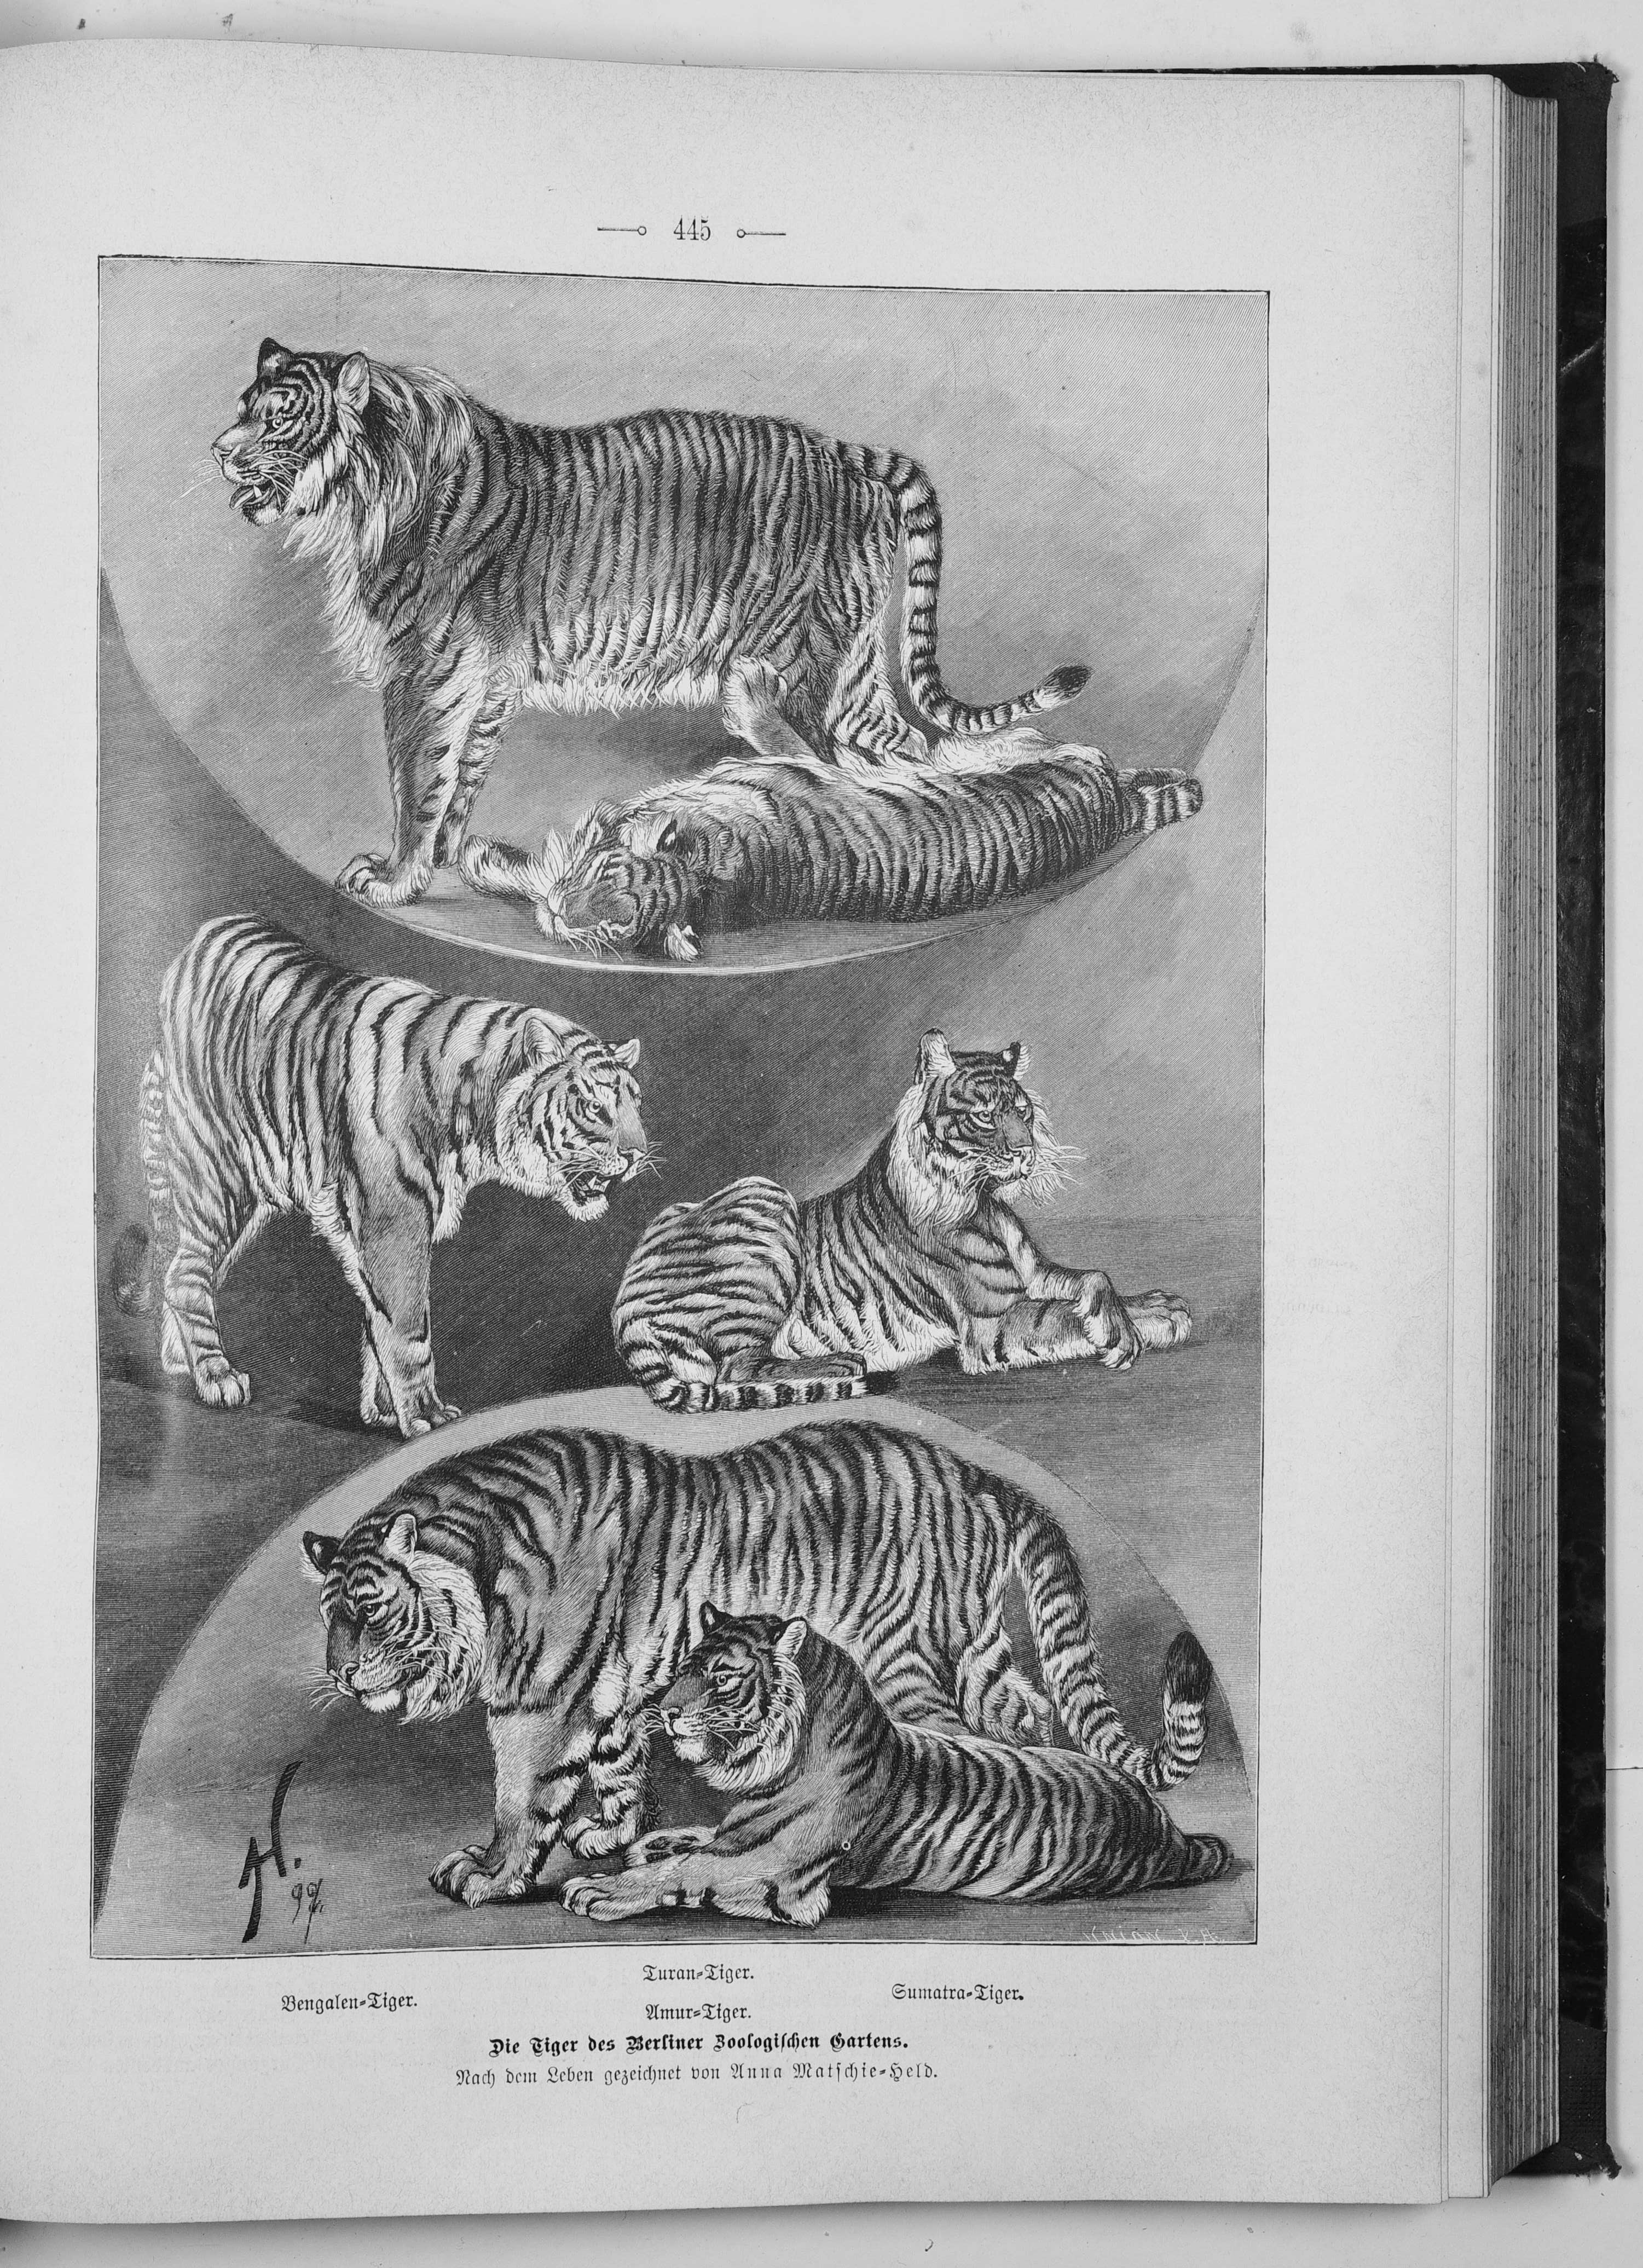Die Tiger des Berliner Zoologischen Gartens.
Nach dem Leben gezeichnet von Anna Matschie-Held.
Turan-Tiger.
Bengalen-Tiger. Sumatra-Tiger.
Amur-Tiger.
